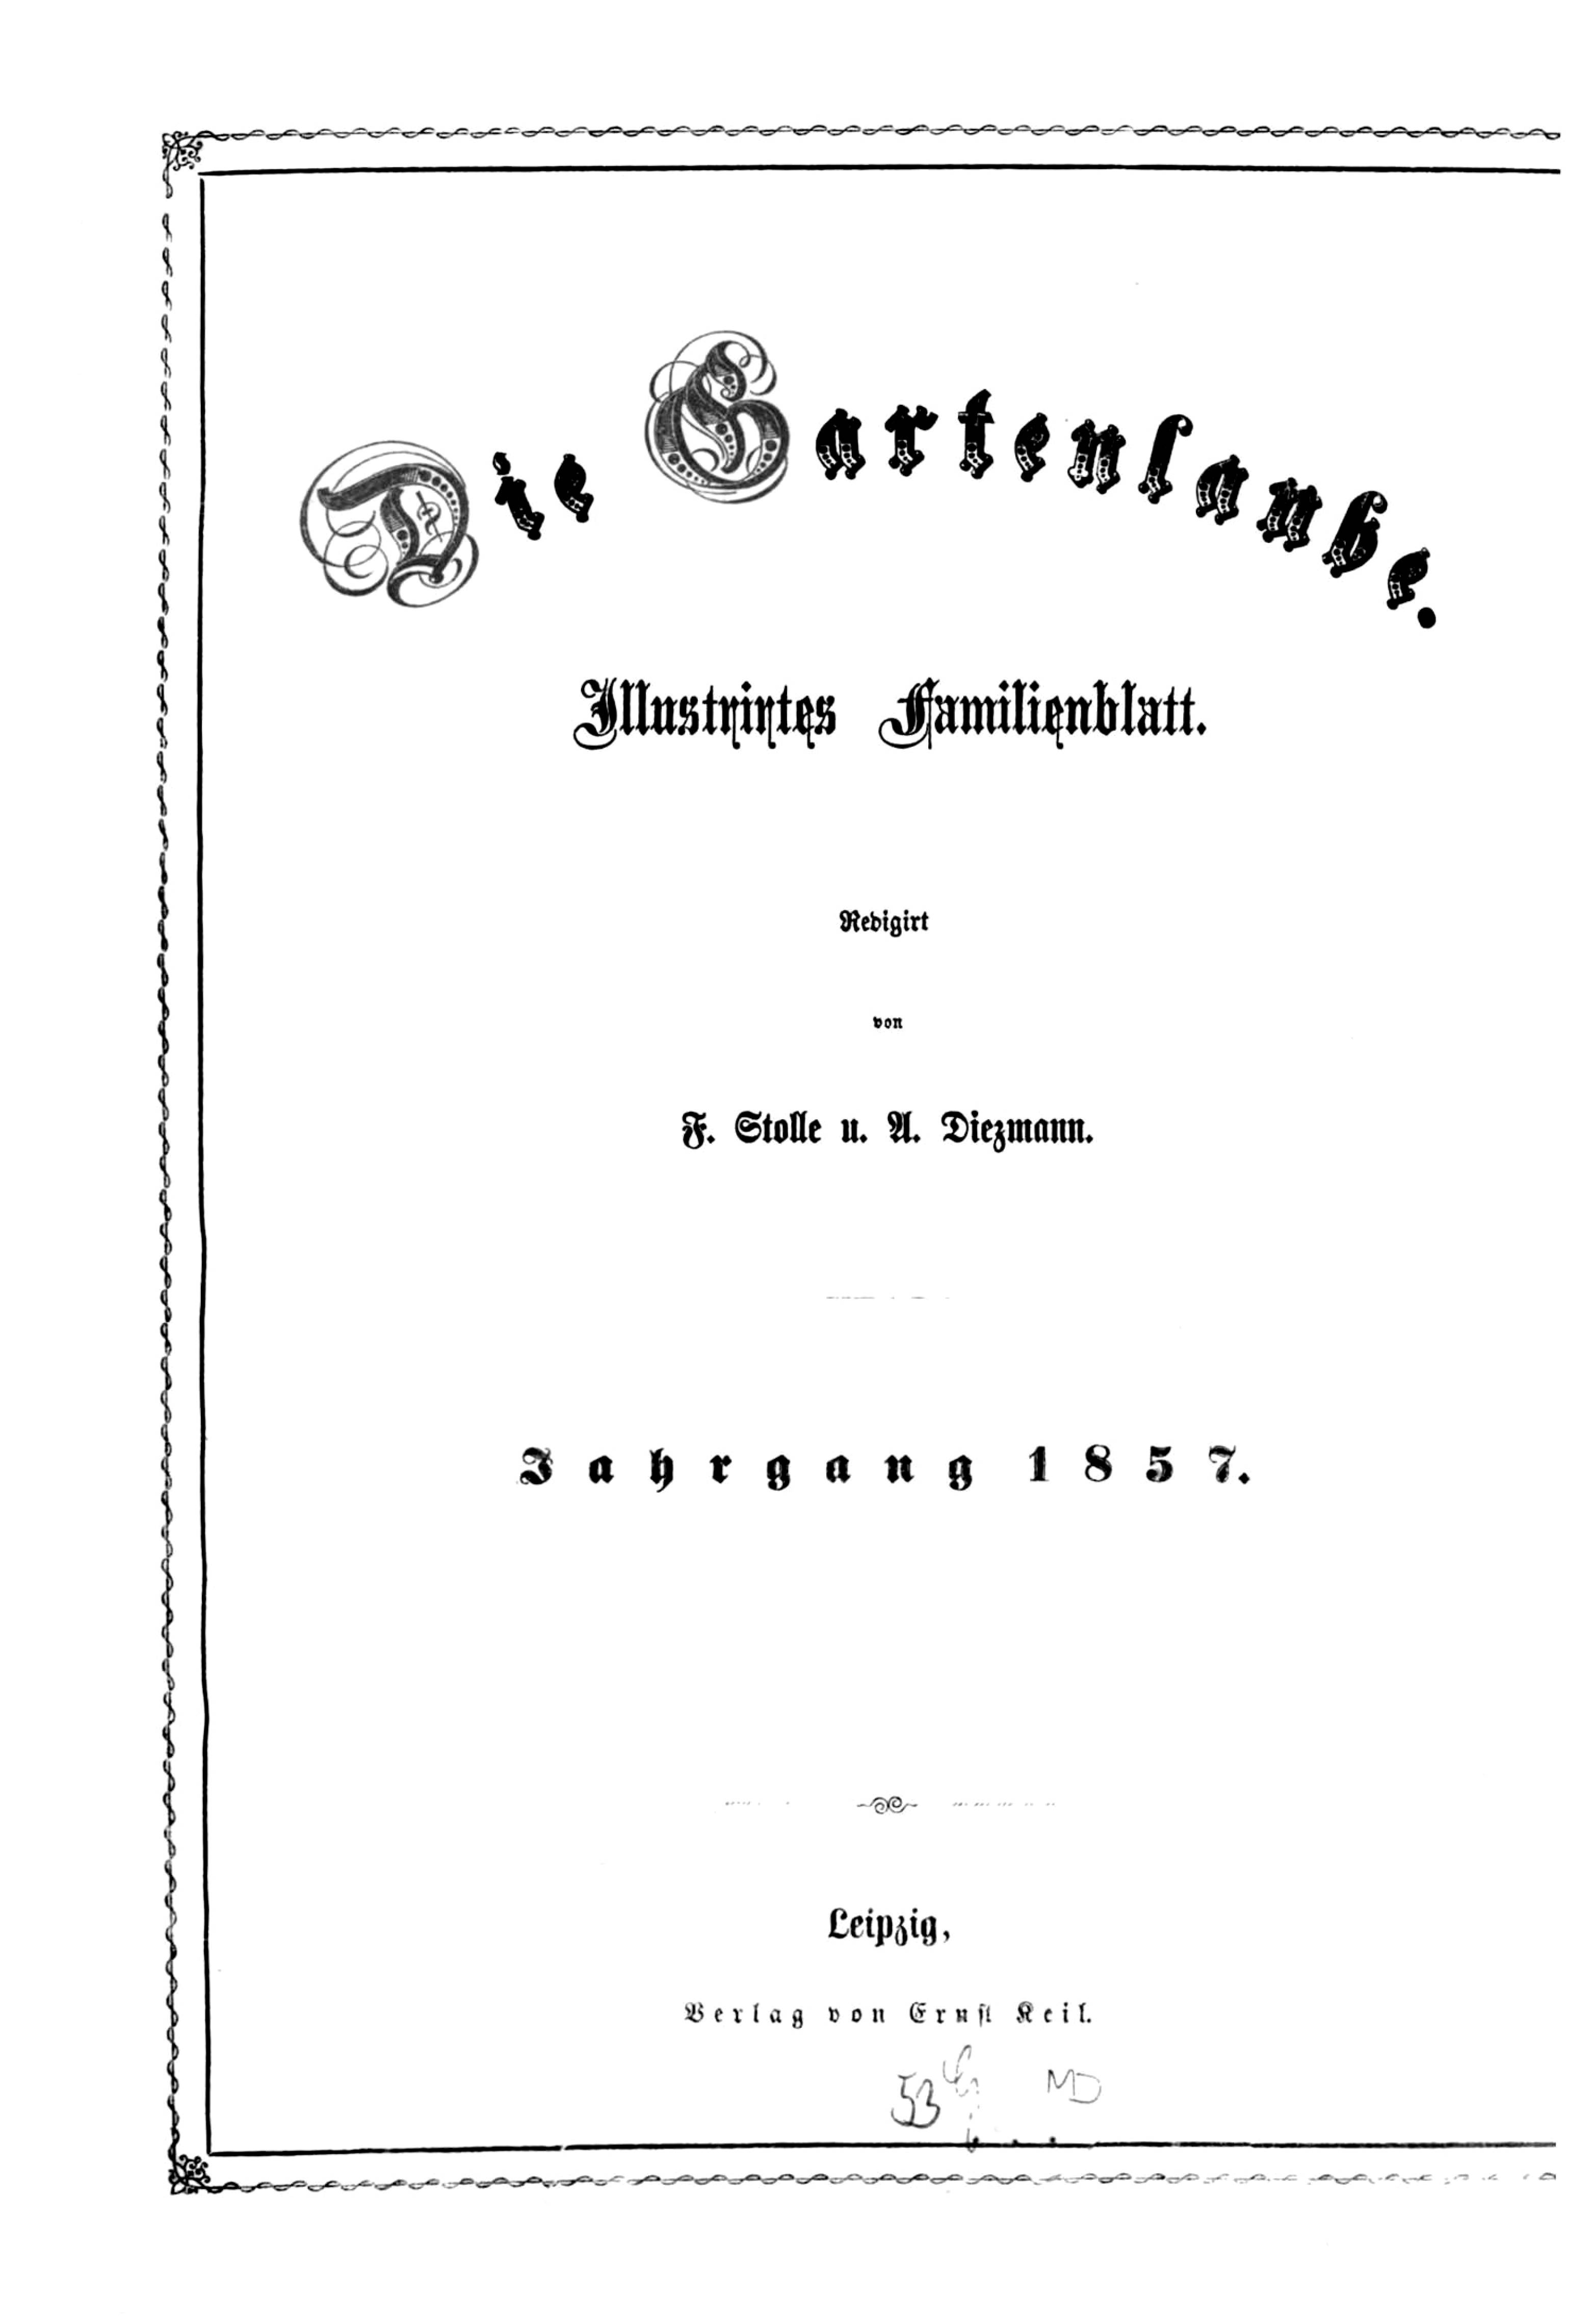Die Gartenlaube.

Illustrirtes Familienblatt.

Redigirt

von

F. Stolle u. A. Diezmann.

Jahrgang 1857.

Leipzig,

Verlag von Ernst Keil.
